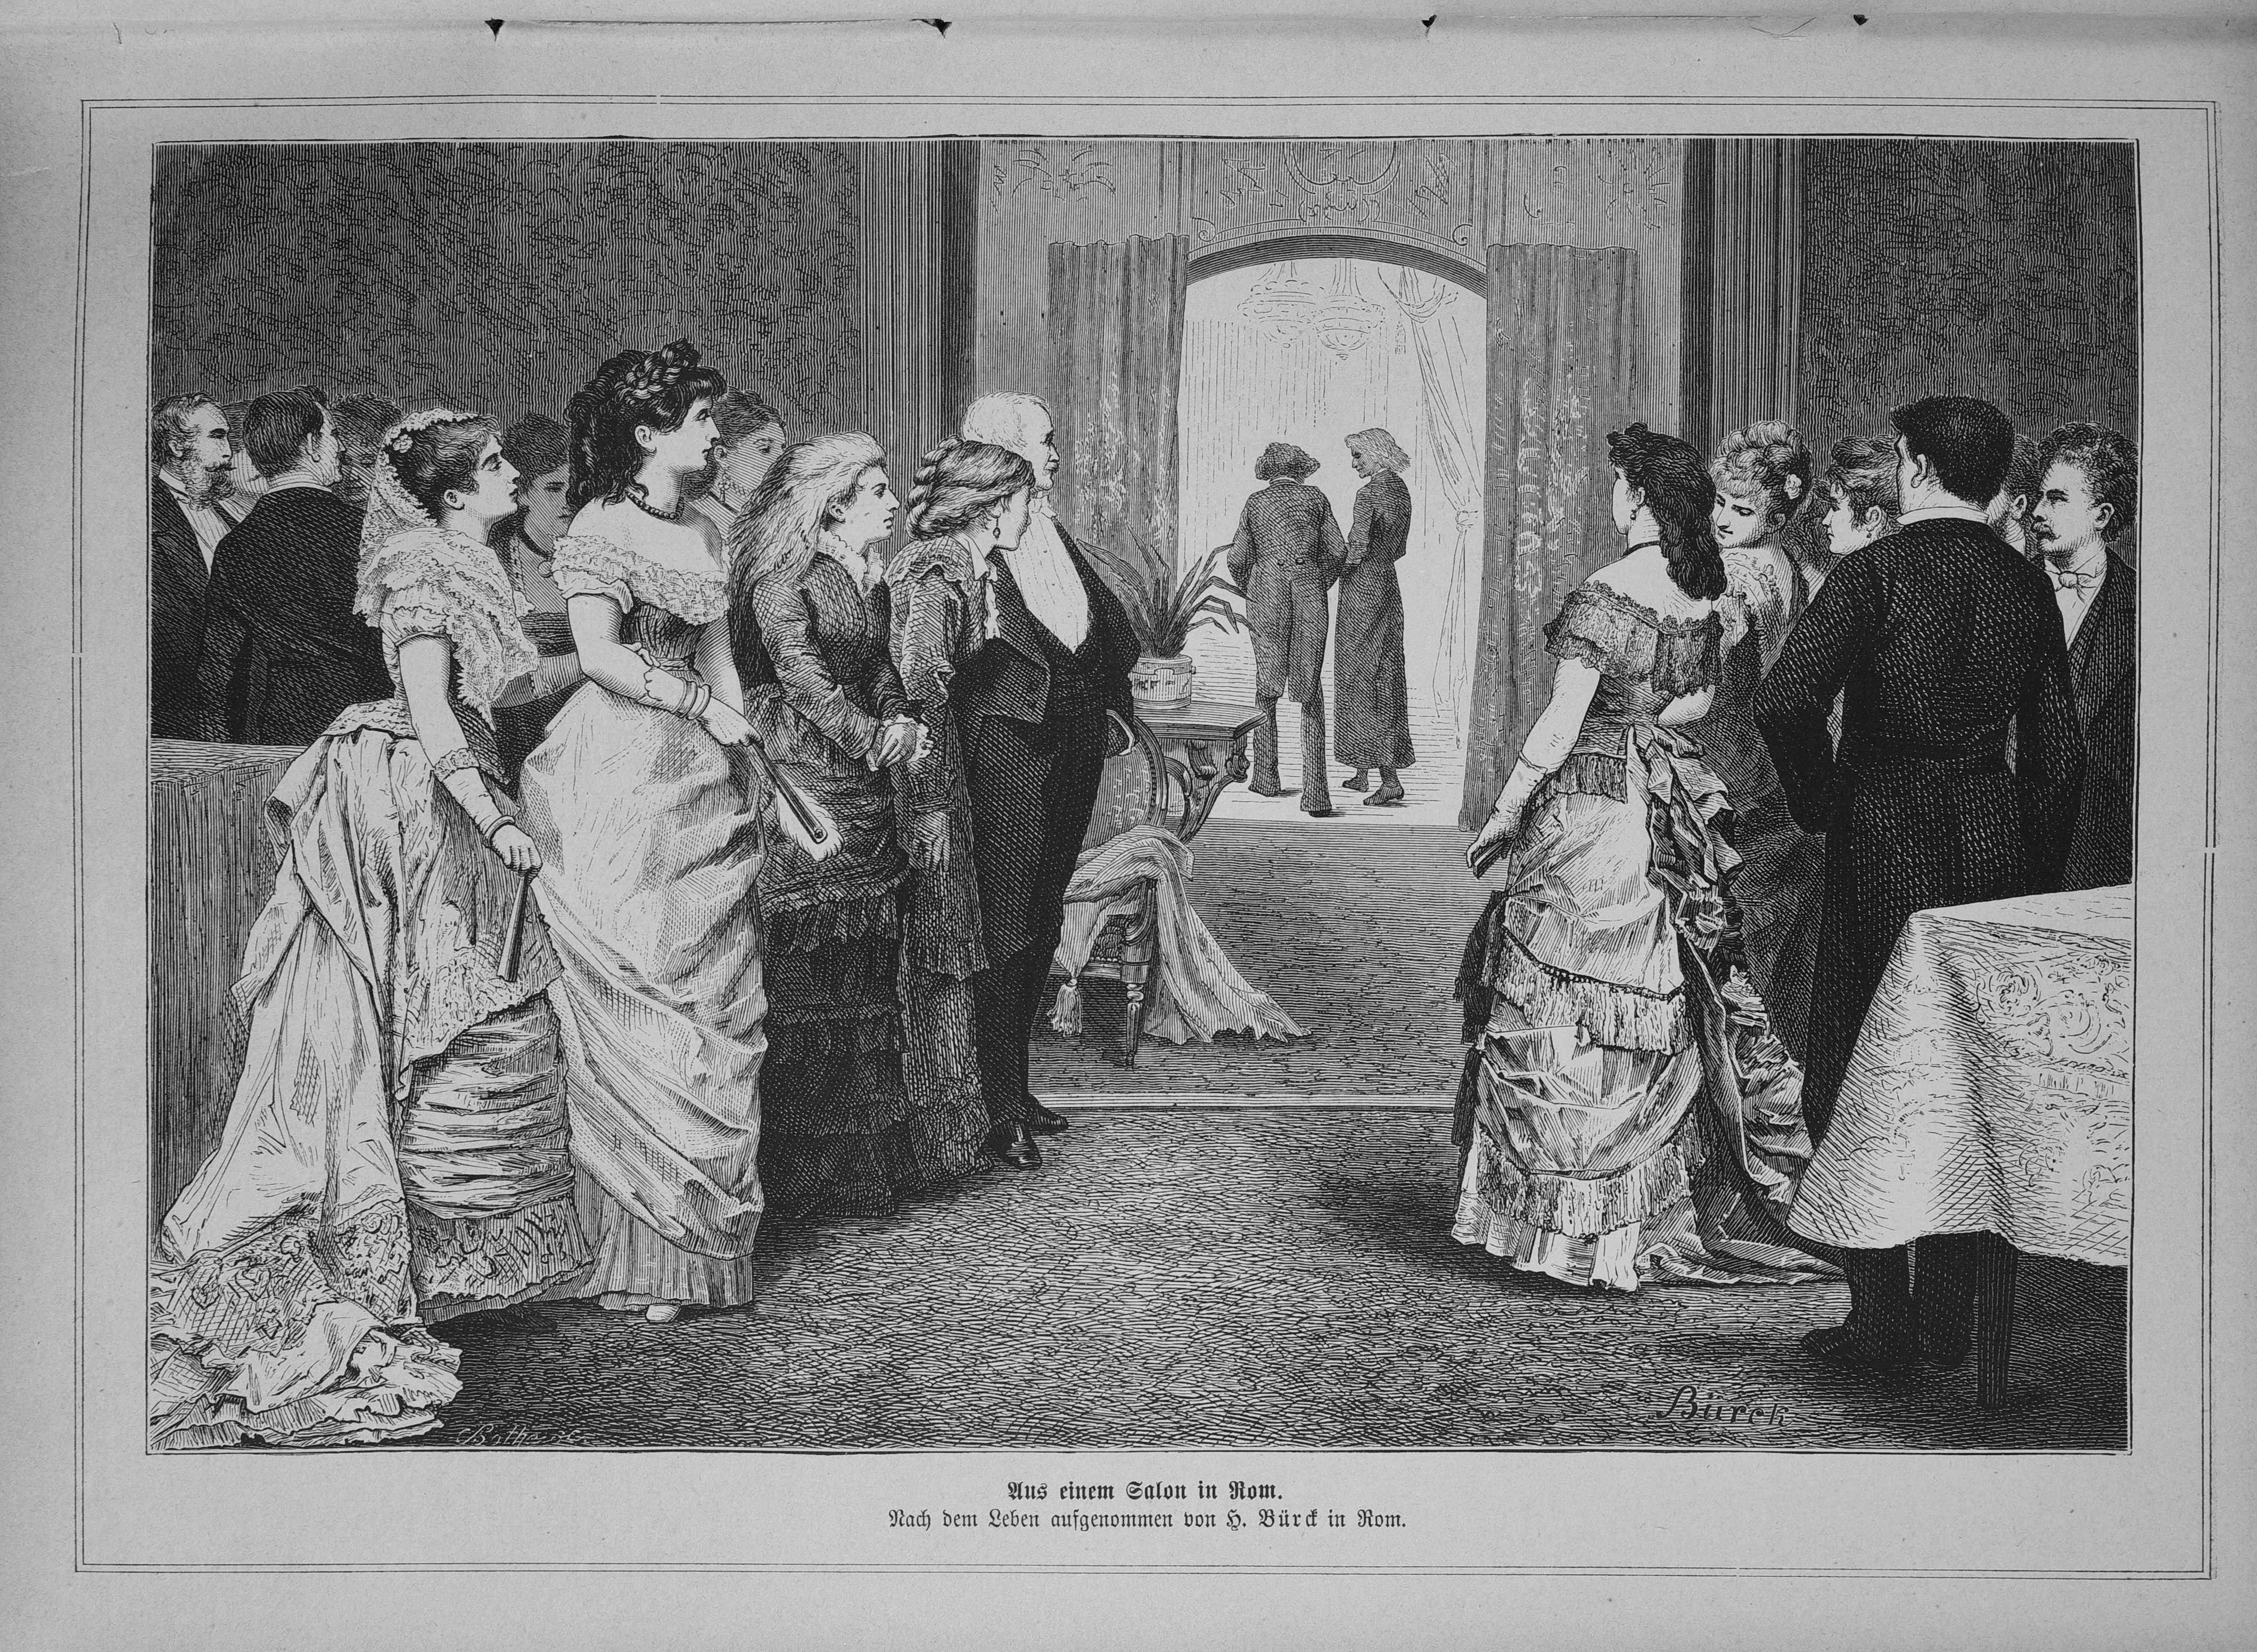Aus einem Salon in Rom.
Nach dem Leben aufgenommen von H. Bürck in Rom.
